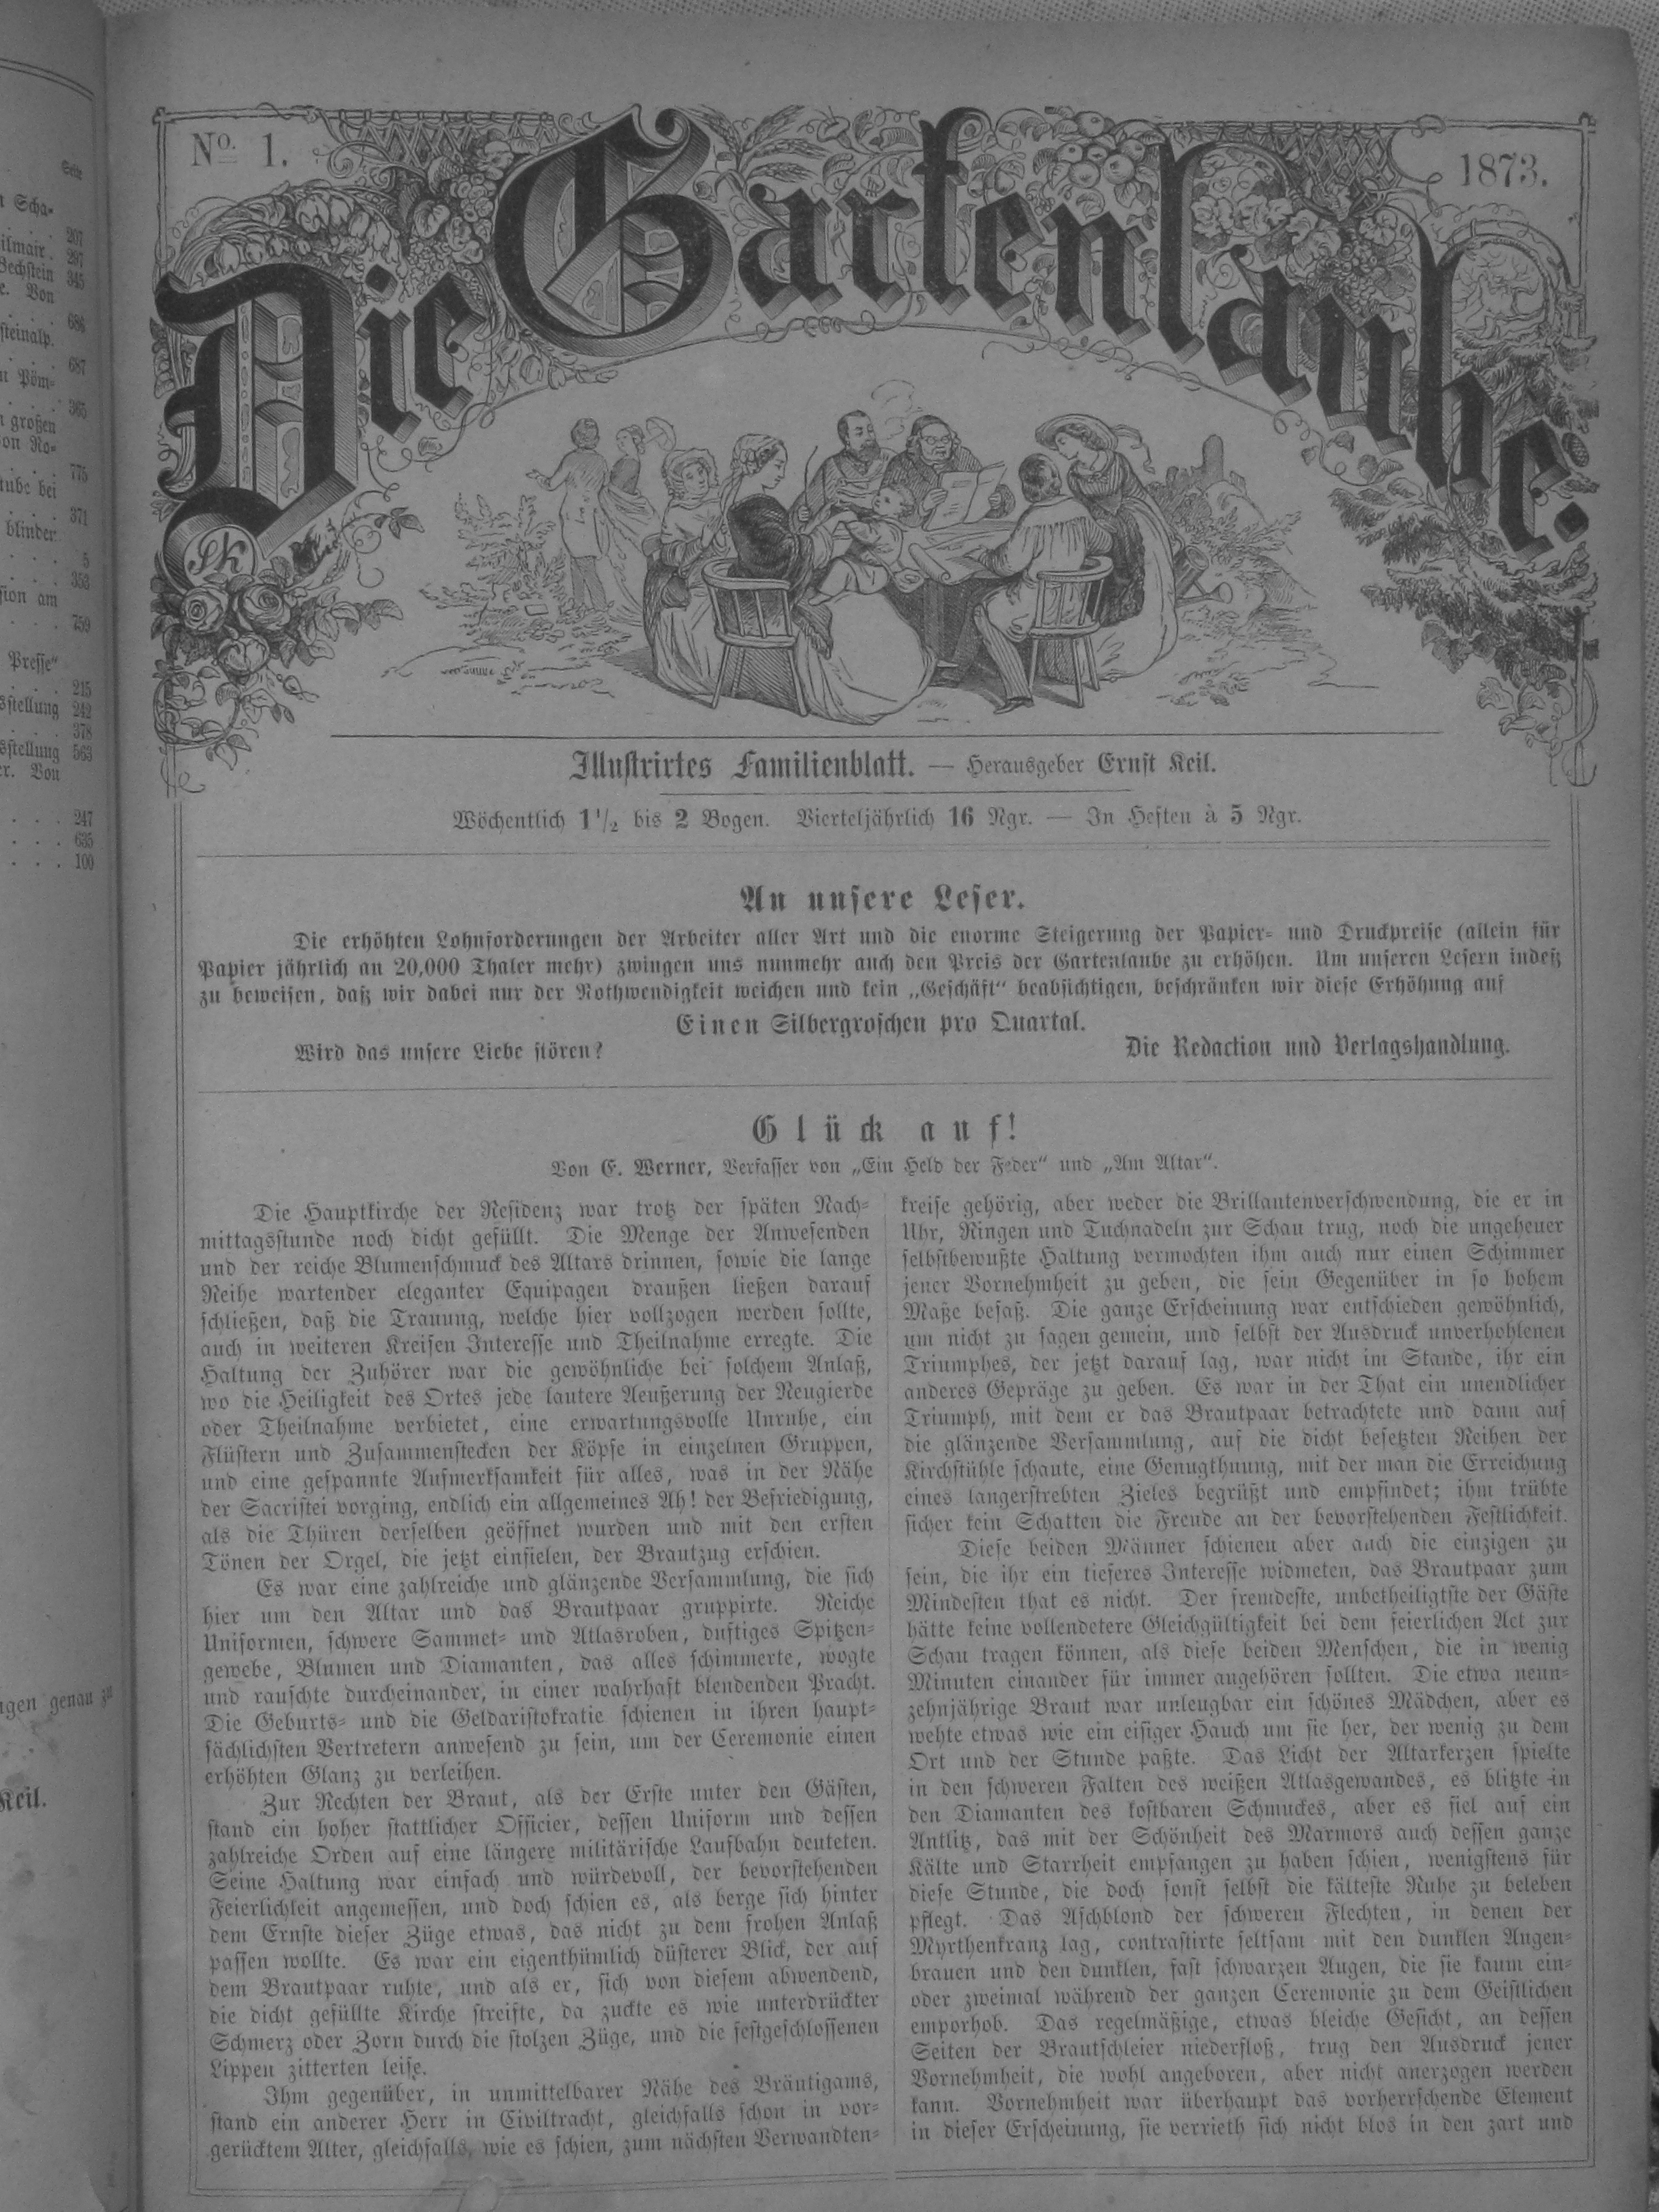No. 1. 1873.
Die Gartenlaube.

Illustrirtes Familienblatt. – Herausgeber Ernst Keil.

Wöchentlich 1½ bis 2 Bogen. Vierteljährlich 16 Ngr. – In Heften à 5 Ngr.

An unsere Leser.

Die erhöhten Lohnforderungen der Arbeiter aller Art und die enorme Steigerung der Papier- und Druckpreise (allein für Papier jährlich an 20,000 Thaler mehr) zwingen uns nunmehr auch den Preis der Gartenlaube zu erhöhen. Um unseren Lesern indeß zu beweisen, daß wir dabei nur der Nothwendigkeit weichen und kein „Geschäft“ beabsichtigen, beschränken wir diese Erhöhung auf

Einen Silbergroschen pro Quartal.

Wird das unsere Liebe stören?
Die Redaction und Verlagshandlung.

Glück auf!

Von E. Werner, Verfasser von „Ein Held der Feder“ und „Am Altar“.

Die Hauptkirche der Residenz war trotz der späten Nachmittagsstunde noch dicht gefüllt. Die Menge der Anwesenden und der reiche Blumenschmuck des Altars drinnen, sowie die lange Reihe wartender eleganter Equipagen draußen ließen darauf schließen, daß die Trauung, welche hier vollzogen werden sollte, auch in weiteren Kreisen Interesse und Theilnahme erregte. Die Haltung der Zuhörer war die gewöhnliche bei solchem Anlaß, wo die Heiligkeit des Ortes jede lautere Aeußerung der Neugierde oder Theilnahme verbietet, eine erwartungsvolle Unruhe, ein Flüstern und Zusammenstecken der Köpfe in einzelnen Gruppen, und eine gespannte Aufmerksamkeit für alles, was in der Nähe der Sacristei vorging, endlich ein allgemeines Ah! der Befriedigung, als die Thüren derselben geöffnet wurden und mit den ersten Tönen der Orgel, die jetzt einfielen, der Brautzug erschien.

Es war eine zahlreiche und glänzende Versammlung, die sich hier um den Altar und das Brautpaar gruppirte. Reiche Uniformen, schwere Sammet- und Atlasroben, duftiges Spitzengewebe, Blumen und Diamanten, das alles schimmerte, wogte und rauschte durcheinander, in einer wahrhaft blendenden Pracht. Die Geburts- und die Geldaristokratie schienen in ihren hauptsächlichsten Vertretern anwesend zu sein, um der Ceremonie einen erhöhten Glanz zu verleihen.

Zur Rechten der Braut, als der Erste unter den Gästen, stand ein hoher stattlicher Officier, dessen Uniform und dessen zahlreiche Orden auf eine längere militärische Laufbahn deuteten. Seine Haltung war einfach und würdevoll, der bevorstehenden Feierlichkeit angemessen, und doch schien es, als berge sich hinter dem Ernste dieser Züge etwas, das nicht zu dem frohen Anlaß passen wollte. Es war ein eigenthümlich düsterer Blick, der auf dem Brautpaar ruhte, und als er, sich von diesem abwendend, die dicht gefüllte Kirche streifte, da zuckte es wie unterdrückter Schmerz oder Zorn durch die stolzen Züge, und die festgeschlossenen Lippen zitterten leise.

Ihm gegenüber, in unmittelbarer Nähe des Bräutigams, stand ein anderer Herr in Civiltracht, gleichfalls schon in vorgerücktem Alter, gleichfalls, wie es schien, zum nächsten Verwandtenkreise gehörig, aber weder die Brillantenverschwendung, die er in Uhr, Ringen und Tuchnadeln zur Schau trug, noch die ungeheuer selbstbewußte Haltung vermochten ihm auch nur einen Schimmer jener Vornehmheit zu geben, die sein Gegenüber in so hohem Maße besaß. Die ganze Erscheinung war entschieden gewöhnlich, um nicht zu sagen gemein, und selbst der Ausdruck unverhohlenen Triumphes, der jetzt darauf lag, war nicht im Stande, ihr ein anderes Gepräge zu geben. Es war in der That ein unendlicher Triumph, mit dem er das Brautpaar betrachtete und dann auf die glänzende Versammlung, auf die dicht besetzten Reihen der Kirchstühle schaute, eine Genugthuung, mit der man die Erreichung eines langerstrebten Zieles begrüßt und empfindet; ihm trübte sicher kein Schatten die Freude an der bevorstehenden Festlichkeit.

Diese beiden Männer schienen aber auch die einzigen zu sein, die ihr ein tieferes Interesse widmeten, das Brautpaar zum Mindesten that es nicht. Der fremdeste, unbetheiligtste der Gäste hätte keine vollendetere Gleichgültigkeit bei dem feierlichen Act zur Schau tragen können, als diese beiden Menschen, die in wenig Minuten einander für immer angehören sollten. Die etwa neunzehnjährige Braut war unleugbar ein schönes Mädchen, aber es wehte etwas wie ein eisiger Hauch um sie her, der wenig zu dem Ort und der Stunde paßte. Das Licht der Altarkerzen spielte in den schweren Falten des weißen Atlasgewandes, es blitzte in den Diamanten des kostbaren Schmuckes, aber es fiel auf ein Antlitz, das mit der Schönheit des Marmors auch dessen ganze Kälte und Starrheit empfangen zu haben schien, wenigstens für diese Stunde, die doch sonst selbst die kälteste Ruhe zu beleben pflegt. Das Aschblond der schweren Flechten, in denen der Myrthenkranz lag, contrastirte seltsam mit den dunklen Augenbrauen und den dunklen, fast schwarzen Augen, die sie kaum ein- oder zweimal während der ganzen Ceremonie zu dem Geistlichen emporhob. Das regelmäßige, etwas bleiche Gesicht, an dessen Seiten der Brautschleier niederfloß, trug den Ausdruck jener Vornehmheit, die wohl angeboren, aber nicht anerzogen werden kann. Vornehmheit war überhaupt das vorherrschende Element in dieser Erscheinung, sie verrieth sich nicht blos in den zart und
